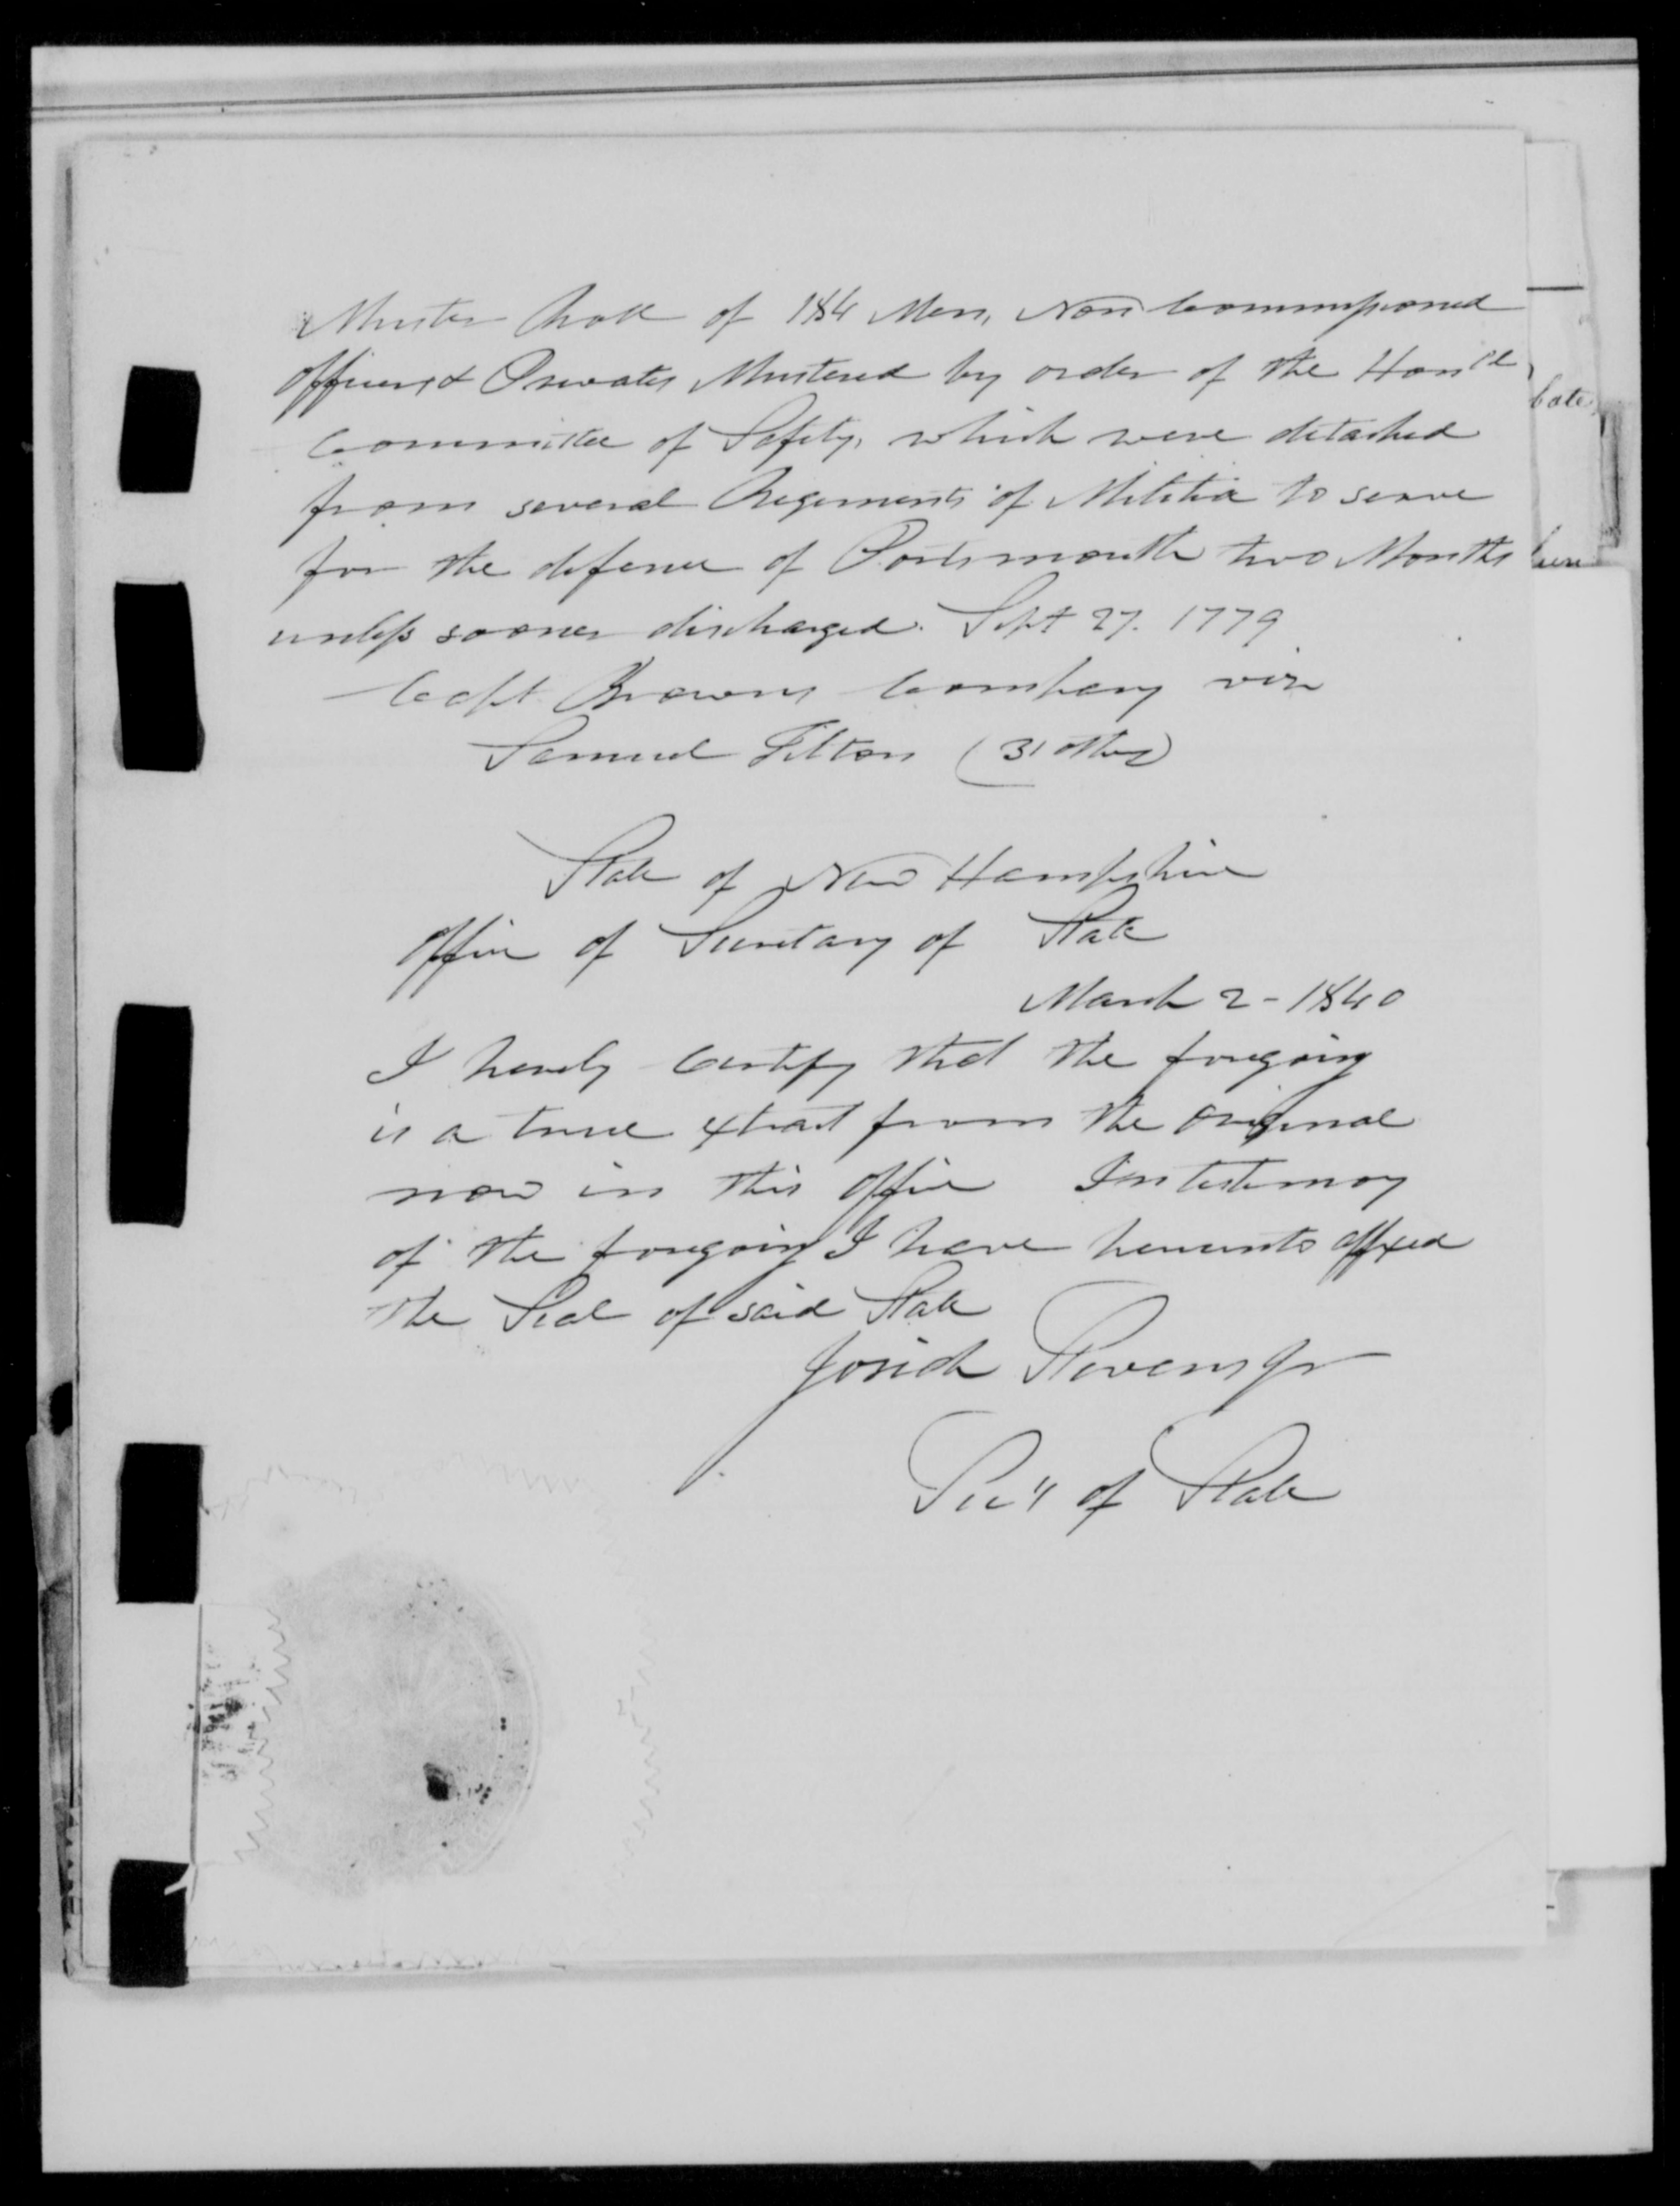Muster Roll of 184 Men, Now Commissioned officers and Privates Mustered by order of the Honl [Honorable]
Committee of Safety, which were detached from several Regiment of Militia to serve for the defense of Portsmouth two Months unless sooner discharged. Sept 27. 1779
Capt Browns Company viz
Samuel Tilton (31 others)

State of New Hampshire
Office of Secretary of State
March 2 1840
I hereby certify that the foregoing is a true extract from the original now in this office. In testimony of the foregoing I have hereunto affixed the Seal of said State
Josiah Stevens Jr
Secy [Secretary] of State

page: 5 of 55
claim: widow's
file: W. 14,021, for Samuel Tilton, New Hampshire